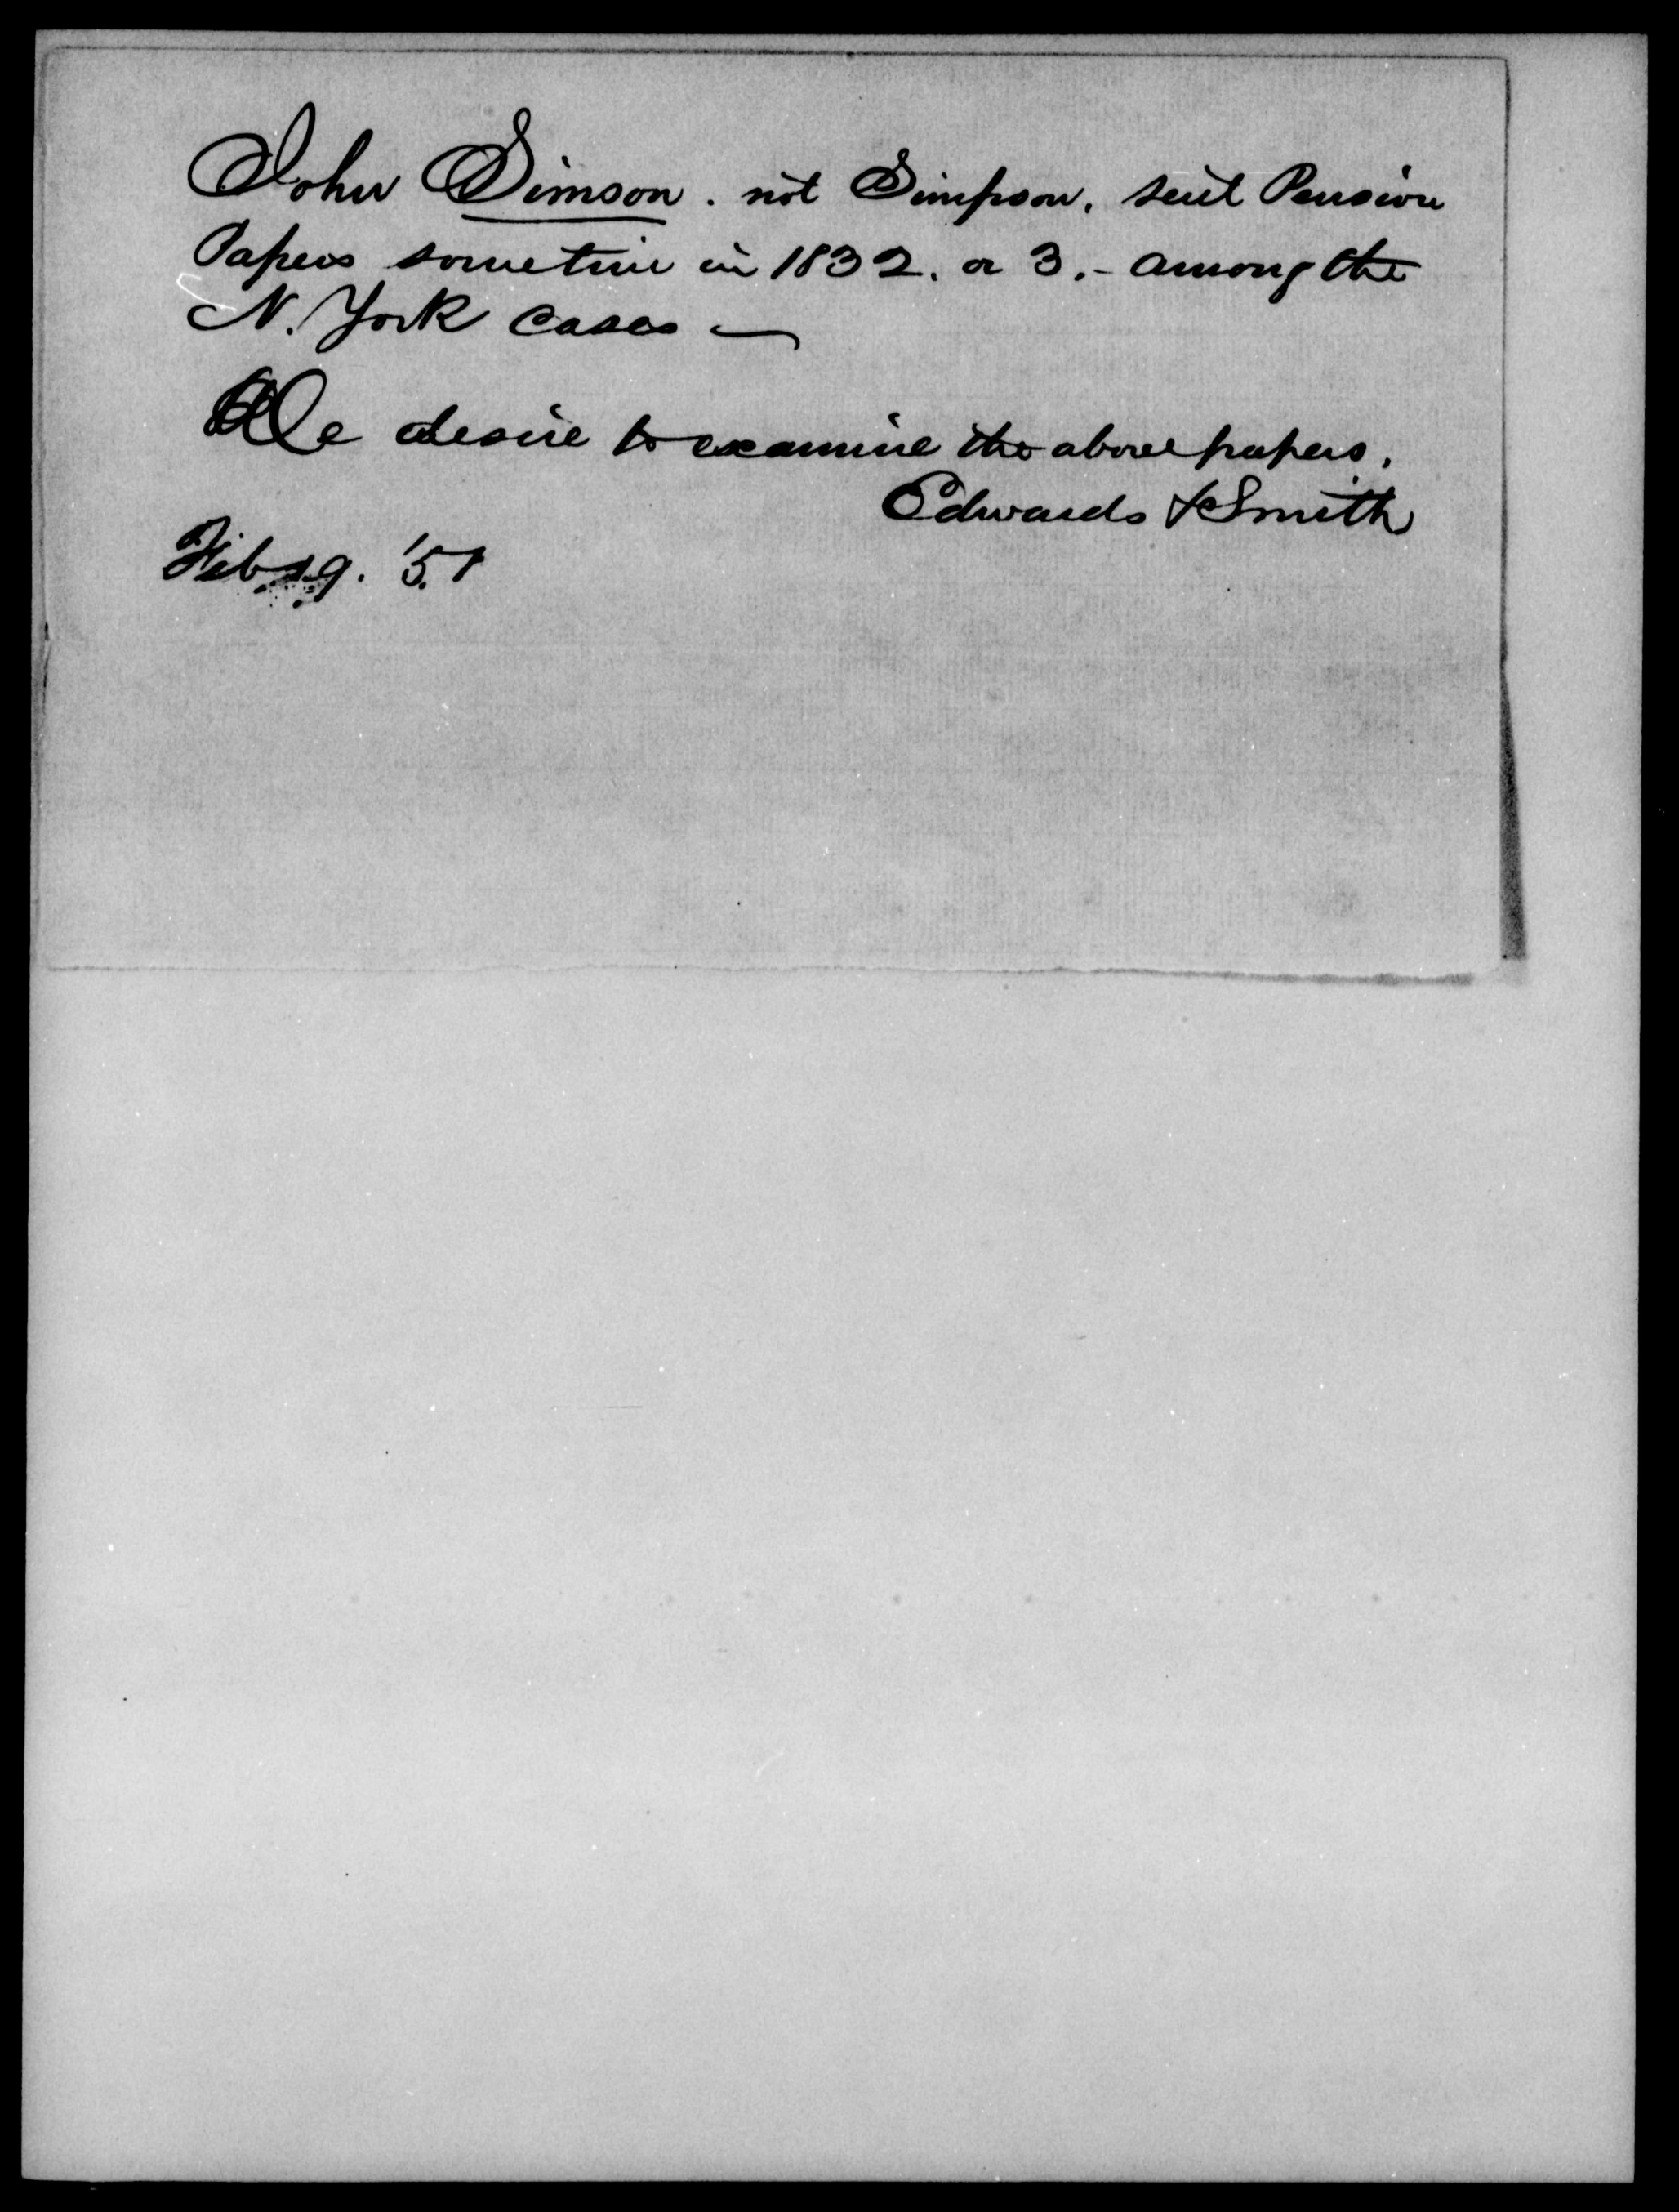John Simson, not Simpson, sent Pension Papers sometime in 1832, or 3. - among the N. York cases
I desire to examine the above papers. [signed] Edwards & Smith
Feb 29, '57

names: [BLANK] Edwards; [BLANK] Smith; John Simson; [BLANK] Simpson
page: 17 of 35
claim: rejected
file: R. 9601, for John Simson, New Jersey